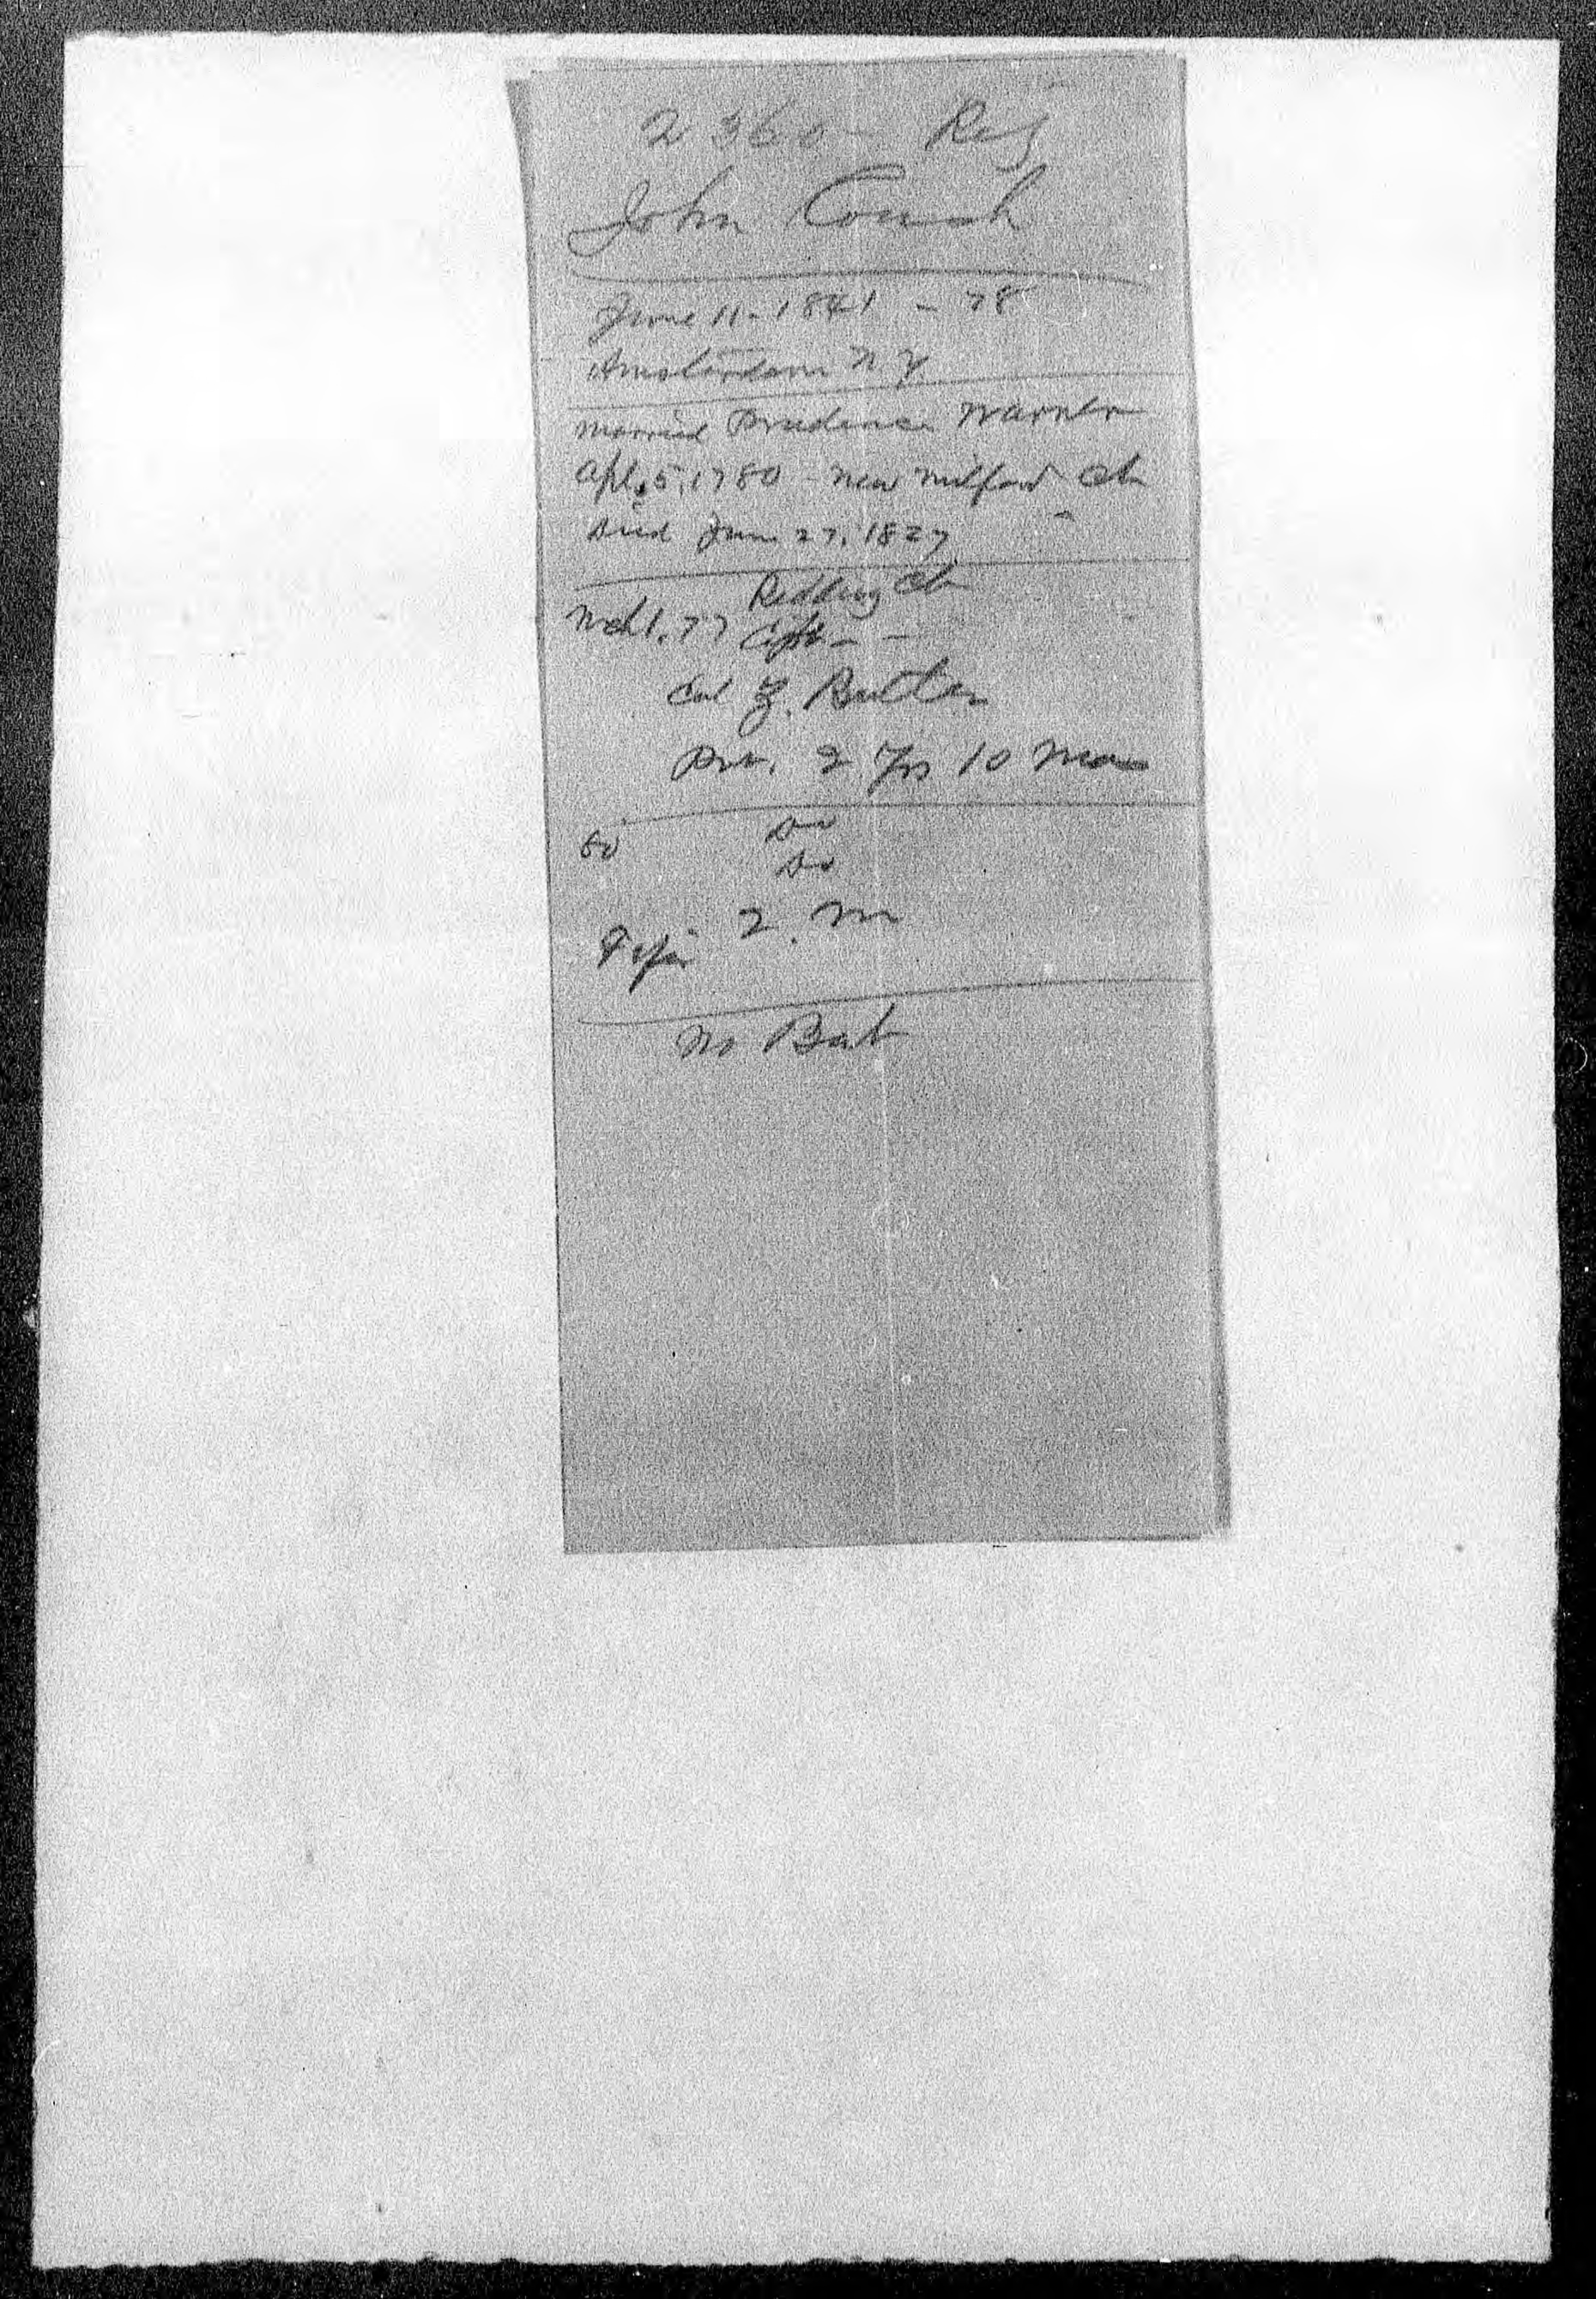2360- Rej
John Couch
June 11, 1841- 78
Amsterdam NY
married Prudence Warren
Apl 5, 1780-New Milford Ct
died June 27, 1827
Mch 1, 77 Redding Ct
Capt -
Col Z. Butler
pvt. 2 ys 10 mos
Ct                 Do
                     Do
Fifer 2 m
no Bal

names: John Couch, Prudence Warner, Z Butler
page: 17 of 68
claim: rejected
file: R. 2,360, John Couch, Conn.